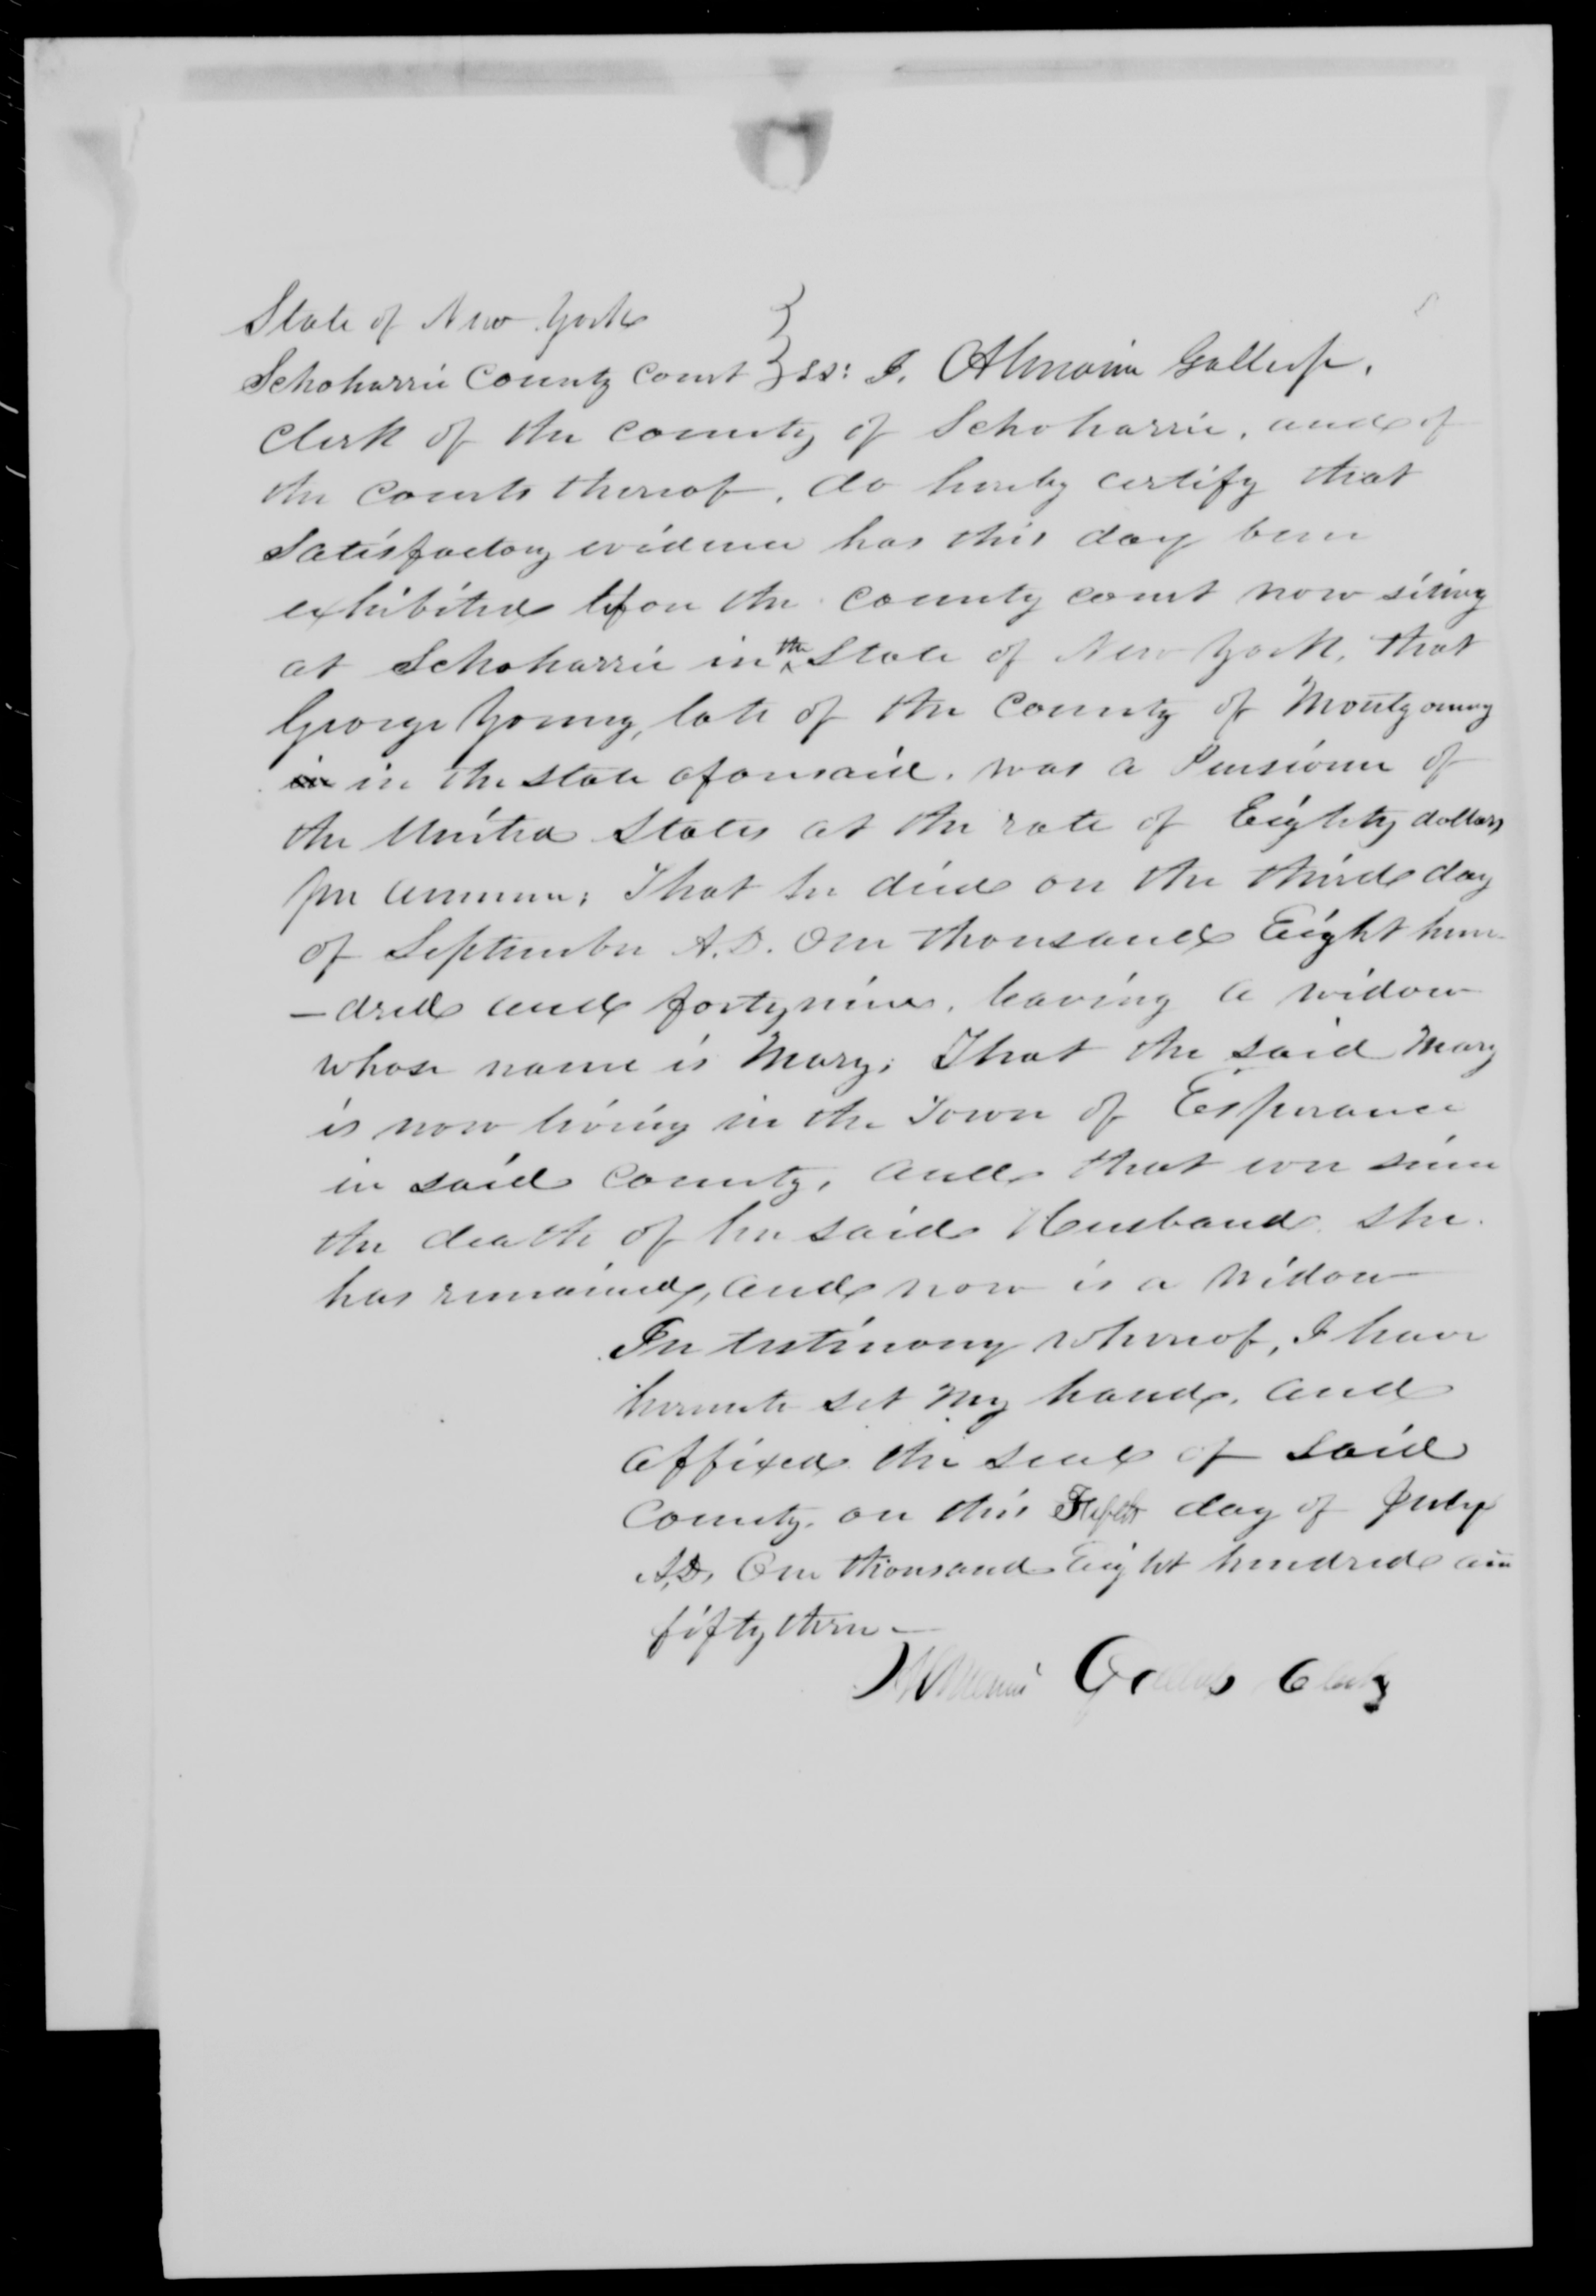State of New York
Schoharie County Court ⎬ ss. I, Almerin Gallup,
Clerk of the County of Schoharie and of
the courts thereof, do hereby certify that
satisfactory evidence has this day been
exhibited before the County Court now sitting
at Schoharrie in the State of New York, that
George Young late of the County of Montgomery
in the State aforesaid, was a pensioner of
the United States at the rate of Eighty dollars
prame. That he died on the third day
of September A.D. One thousand Eight hundred and forty nine, leaving a widow
whose name is Mary; That the said Mary
is now living in the Town of Esperance
in said County, and that we sum
the death of her said Husband she
has remained, and now is a widow
In testimony whereof, I have
hereunto set my hand, and
affixed the seal of said
County on this Fifth day of July
A.D. One thousand Eight hundred and
fifty then-
Almerin Gallup Clerk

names: George Young, Almerin Gallup, Almerin Gallup, Mary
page: 16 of 67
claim: widow's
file: W. 7379, George Young, New Jersey